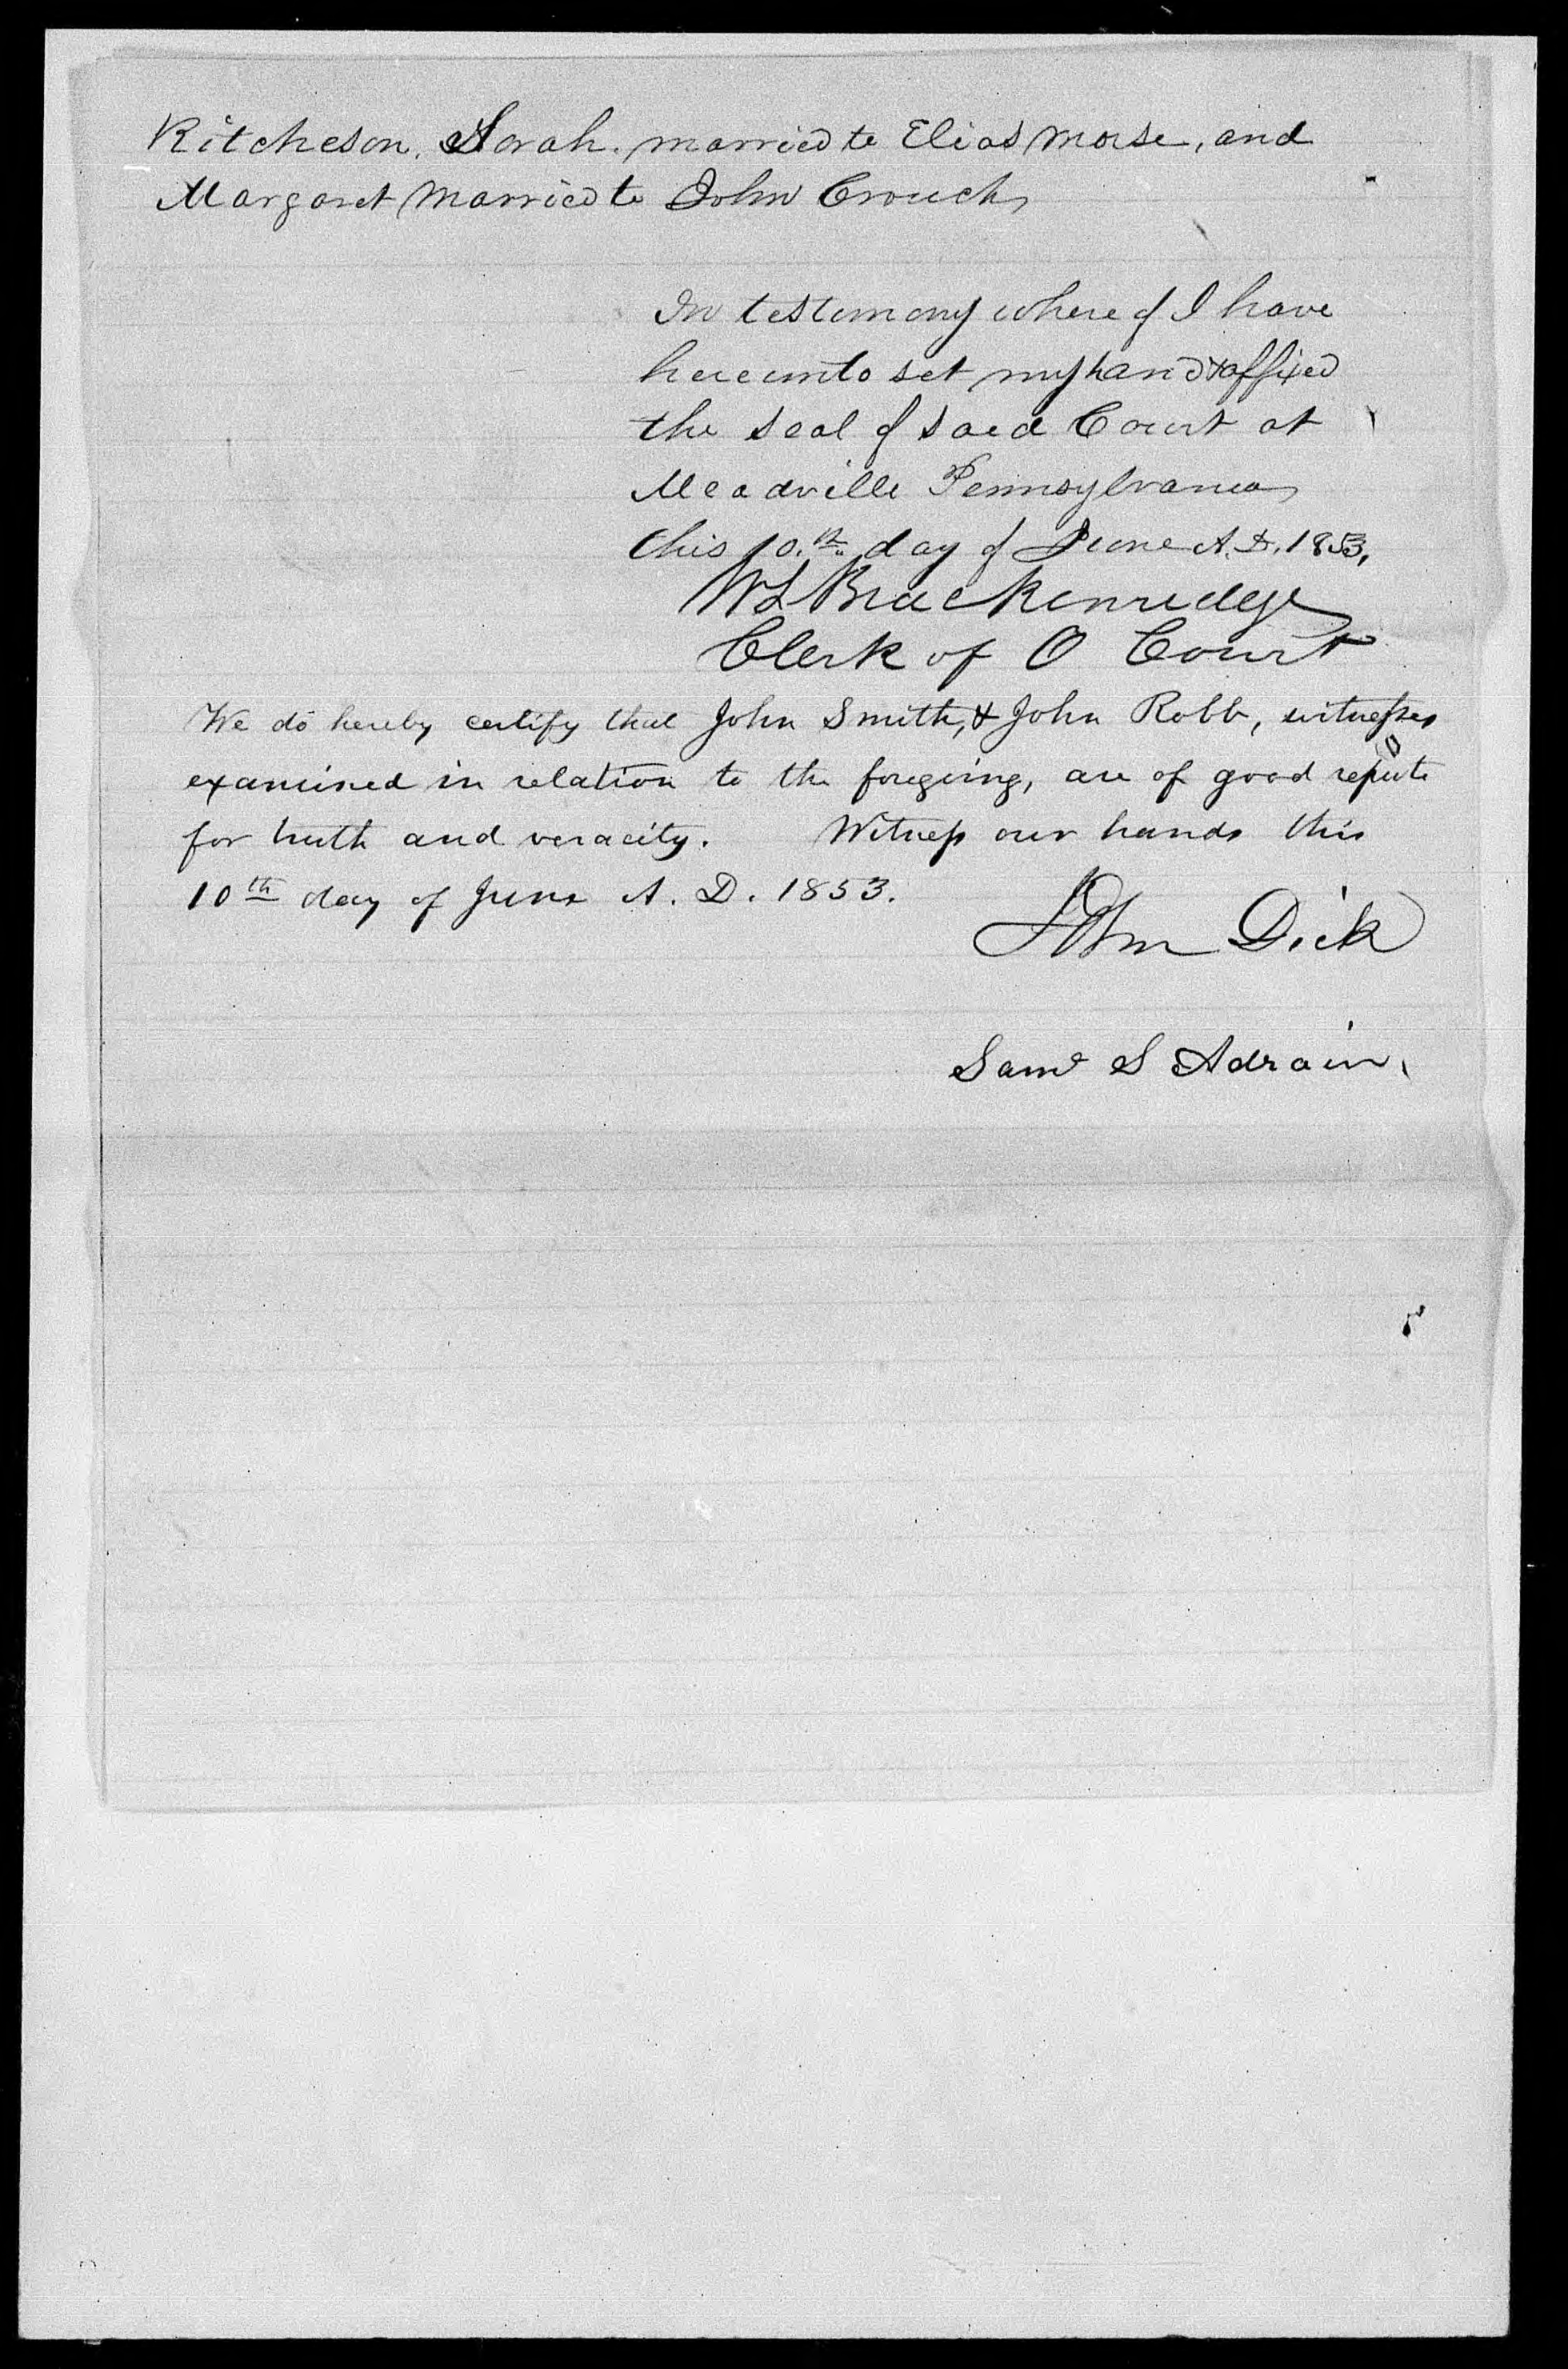Ritcheson, Sarah, married to Elias Morse, and Margaret married to John Crouch

{imprint of seal on left margin]
In testimony whereof I have hereunto set my hand & affixed the seal of said court at Meadville Pennsylvania this 10th day of June A.D. 1853,
{signed} W L Brackenridge
Clerk of O Court

We do hereby certify that John Smith & John Robb, witnesses examined in relation to the foregoing, are of good repute for truth and veracity. Witness our hands this 10th day of June A.D. 1853.
{signed} John Dick
{signed} Sam S Adrain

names: Ritcheson, Sarah, Saml S Adrain, Margaret, John Dick, W L Brackenridge, John Robb, John Crouch, John Smith, Elias Morse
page: 15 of 63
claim: widow's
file: W. 3228, John Daly, Penn.